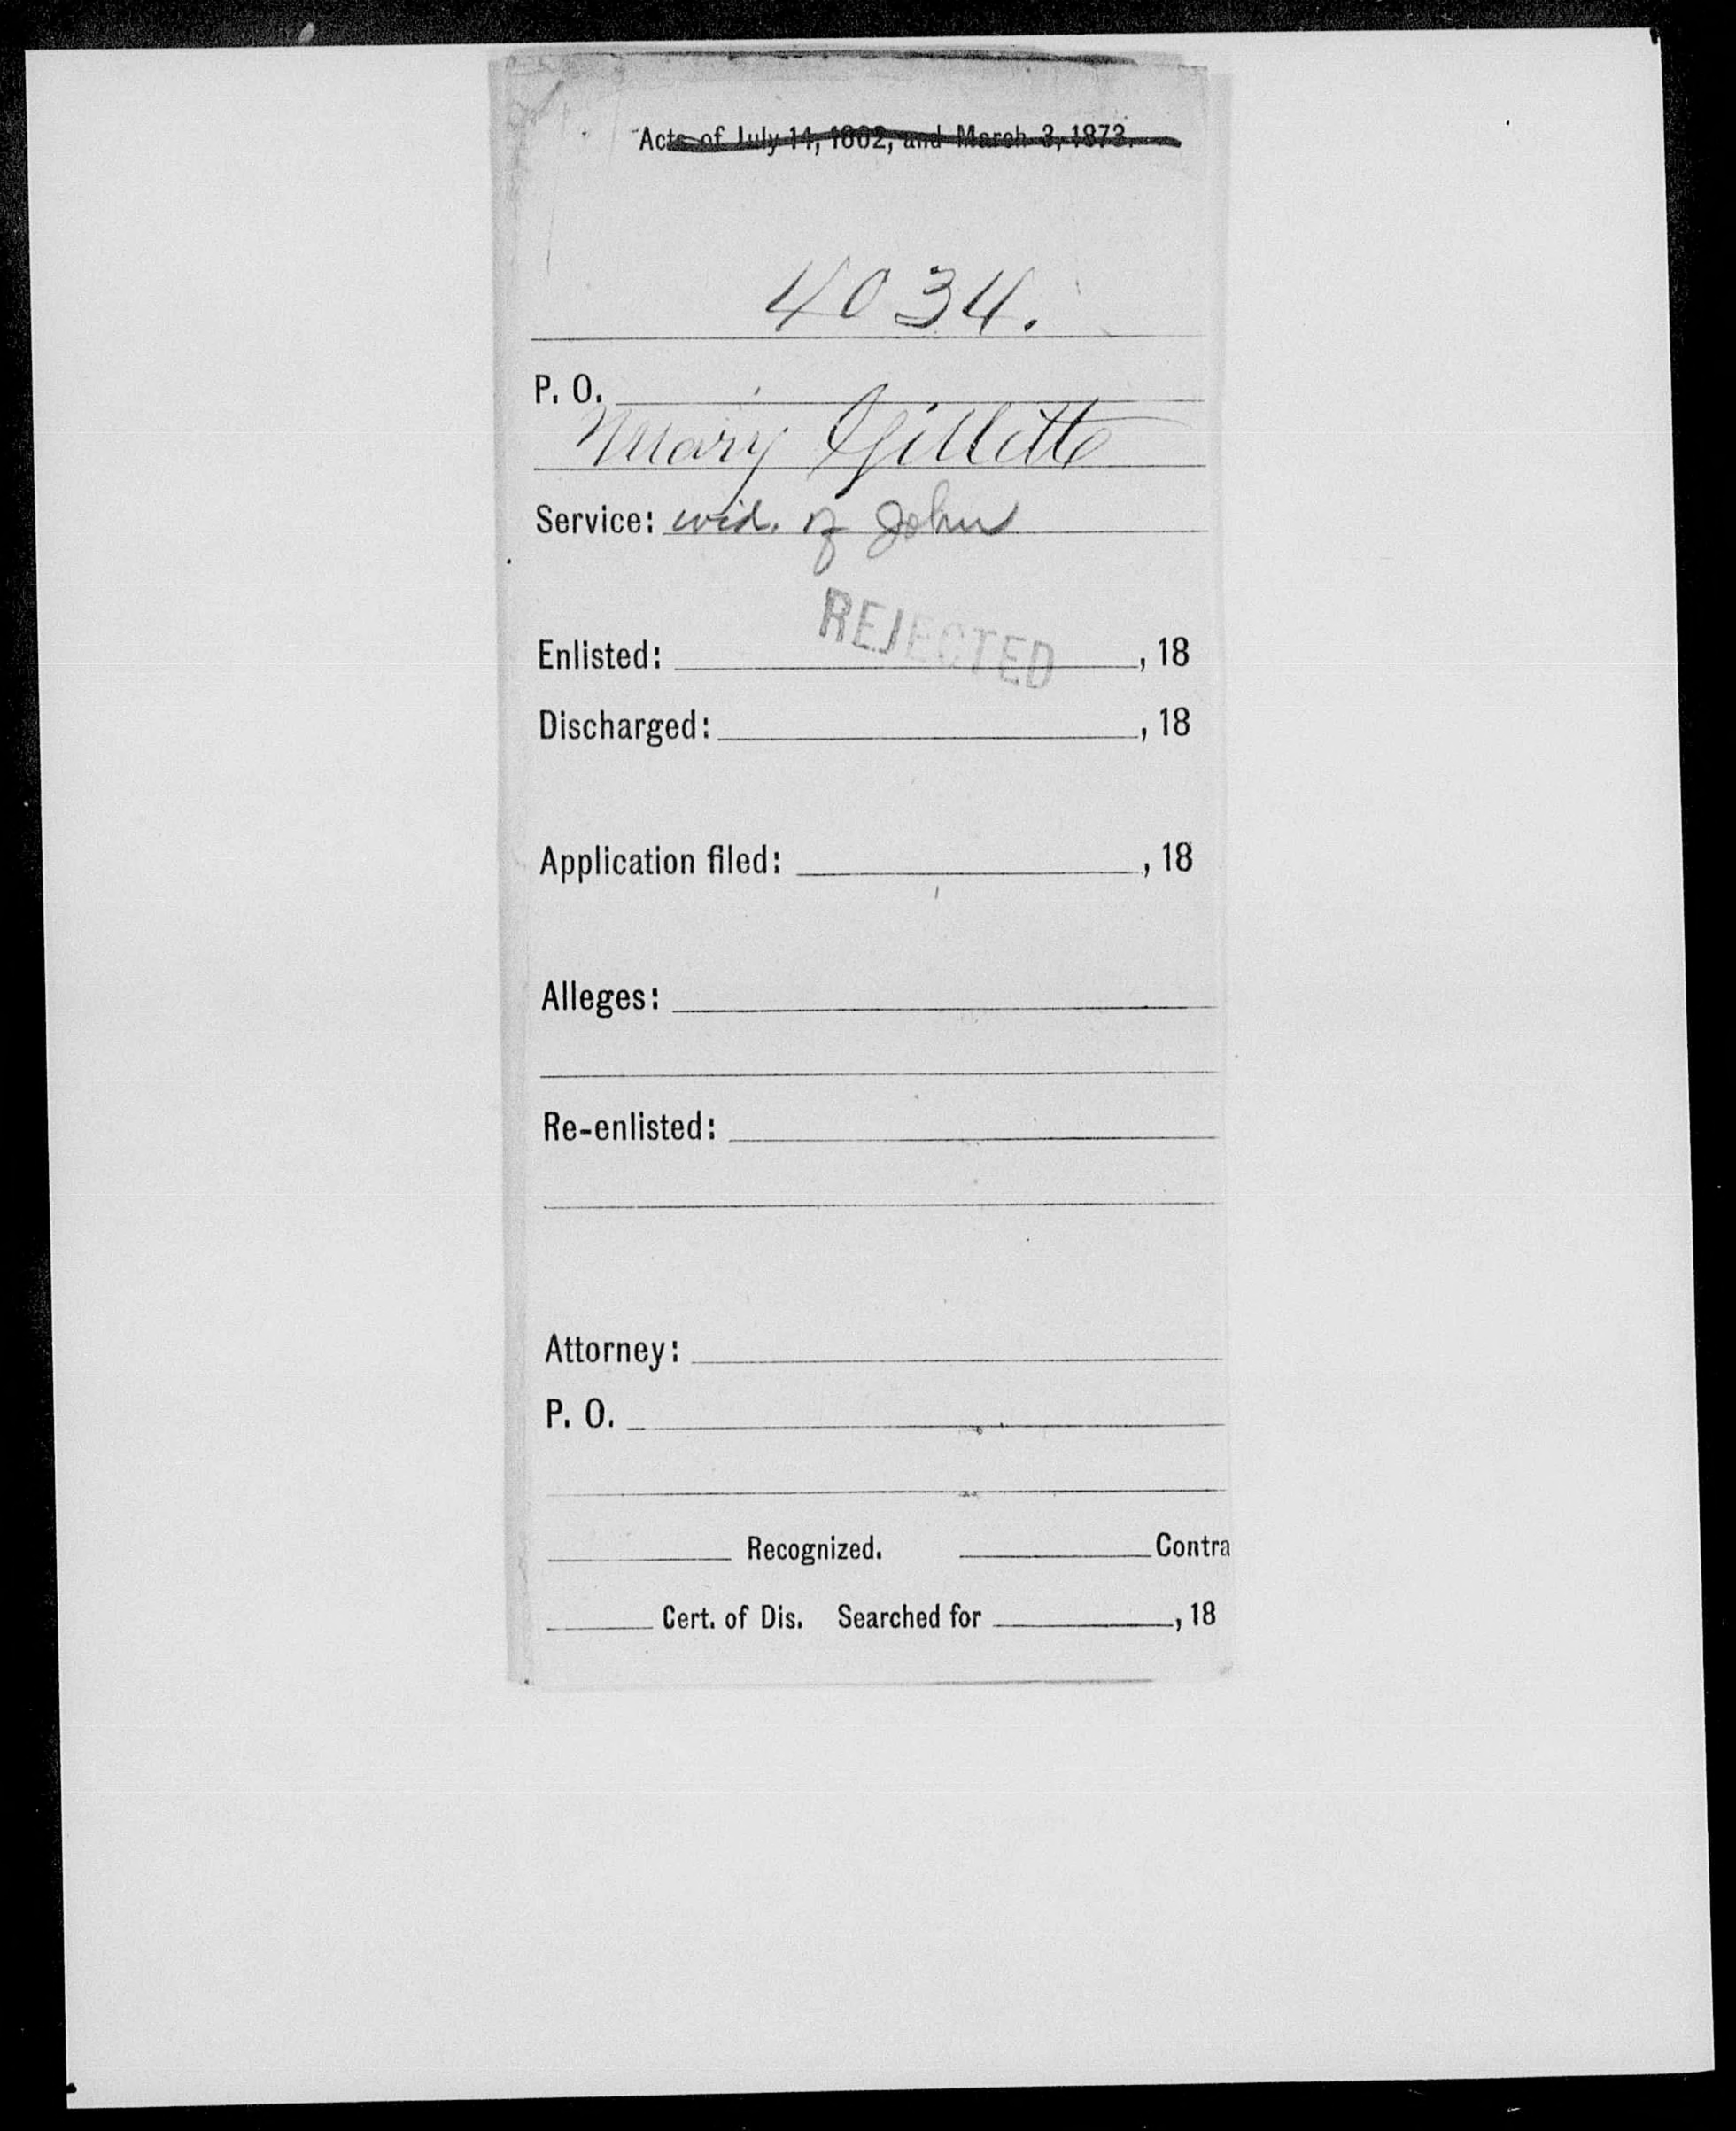4034.
P.O. .....................................
Mary Gillet
Services: wid. of John


[The following were stamped "Rejected']
Enlisted: ................................., 18..
Discharged: .........................., 18..
Application filed: ................, 18..
Alleges; ..................................., 18..
Re-enlisted: .........................., 18..
Attorney: ...............................
P.O. ..........................................
..........................Recognized, .............................Contra
..................Cert. of Dis.  Searched for .............., 18..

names: John Gillett, Mary Gillett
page: 10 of 40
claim: survivor's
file: S. 36,537 And R. 4034, John Gillet, Conn.